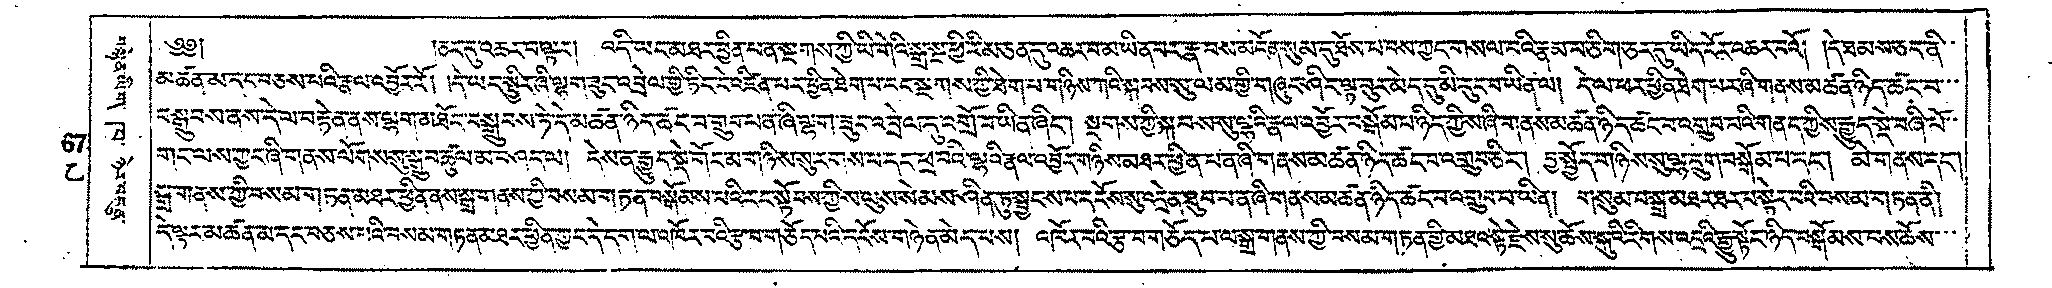༄༅། །ཅར་དུ་འཆར་བ་ལྟར། འདི་ཡང་མཐར་ཕྱིན་པ་ན་སྔགས་ཀྱི་ཡི་གེའི་སྒྲ་སྔ་ཕྱི་རིམ་ཅན་དུ་འཆར་བ་མ་ཡིན་པར་རྣ་བས་མངོན་སུམ་དུ་ཐོས་པ་བས་ཀྱང་གསལ་བའི་རྣམ་པ་ཅིག་ཅར་དུ་ཡིད་ངོར་འཆར་བའོ། །དེ་ཐམས་ཅད་ནི་་་
མཚན་མ་དང་བཅས་པའི་རྣལ་འབྱོར་རོ། །དེ་ཡང་སྤྱིར་ཞི་ལྷག་ཟུང་འབྲེལ་གྱི་ཏིང་ངེ་འཛིན་ཕར་ཕྱིན་ཐེག་པ་དང་སྔགས་ཀྱི་ཐེག་པ་གཉིས་ཀའི་སྐབས་སུ་ལམ་གྱི་གཞུང་ཤིང་ལྟ་བུར་མེད་དུ་མི་རུང་བ་ཡིན་ལ། དེ་ལ་ཕར་ཕྱིན་ཐེག་པར་ཞི་གནས་མཚན་ཉིད་ཚང་བ་་་
བསྒྲུབས་ནས་དེ་ལ་བརྟེན་ནས་ལྷག་མཐོང་བསྒྲུབས་ཏེ་དེ་མཚན་ཉིད་ཚང་བ་གྲུབ་པ་ན་ཞི་ལྷག་ཟུང་འབྲེལ་དུ་འགྲོ་བ་ཡིན་ཞིང་། སྔགས་ཀྱི་སྐབས་སུ་ལྷའི་རྣལ་འབྱོར་བསྒོམ་པ་ཉིད་ཀྱིས་ཞི་གནས་མཚན་ཉིད་ཚང་བ་འགྲུབ་པའི་གནད་ཀྱིས་རྒྱུད་སྡེ་བཞི་པོ་་་
གང་ལས་ཀྱང་ཞི་གནས་ལོགས་སུ་སྒྲུབ་ཚུལ་མ་བཤད་ལ། དེས་ན་རྒྱུད་སྡེ་གོང་མ་གཉིས་སུ་རགས་པ་དང་ཕྲ་བའི་ལྷའི་རྣལ་འབྱོར་གཉིས་མཐར་ཕྱིན་པ་ན་ཞི་གནས་མཚན་ཉིད་ཚང་བ་འགྲུབ་ཅིང་། བྱ་སྤྱོད་གཉིས་སུ་ལྷ་དྲུག་བསྒོམ་པ་དང་། མེ་གནས་དང་།
སྒྲ་གནས་ཀྱི་བསམ་གཏན་མཐར་ཕྱིན་ནས་སྒྲ་གནས་ཀྱི་བསམ་གཏན་བསྒོམས་པའི་རང་སྟོབས་ཀྱིས་ལུས་སེམས་ཤིན་ཏུ་སྦྱངས་པ་དངོས་སུ་འདྲེན་ཐུབ་པ་ན་ཞི་གནས་མཚན་ཉིད་ཚང་བ་འགྲུབ་པ་ཡིན། གསུམ་པ་སྒྲ་མཐར་ཐར་པ་སྟེར་བའི་བསམ་གཏན་ནི།
དེ་ལྟར་མཚན་མ་དང་བཅས་པའི་བསམ་གཏན་མཐར་ཕྱིན་ཀྱང་དེ་དག་ལ་འཁོར་བའི་རྩ་བ་གཅོད་པའི་དངོས་གཉེན་མེད་པས། འཁོར་བའི་རྩ་བ་གཅོད་པ་ལ་སྒྲ་གནས་ཀྱི་བསམ་གཏན་གྱི་མཐའ་སྟེ་རྗེས་སུ་ཆོས་སྐུའི་རིགས་འདྲའི་རྒྱུ་སྟོང་ཉིད་བསྒོམས་པས་ཆོས་་་